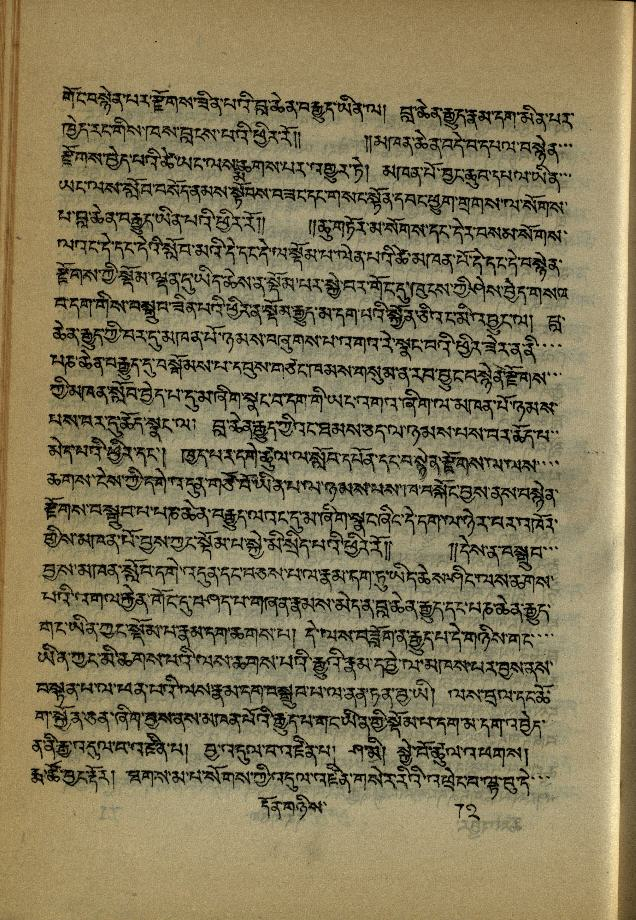གོང་བསྙེན་པར་རྫོགས་ཟིན་པའི་བླ་ཆེན་བརྒྱུད་ཡིན་ལ། བླ་ཆེན་རྒྱུད་རྣམ་དག་མིན་པར་
ཁྱེད་རང་གིས་ཁས་བླངས་པའི་ཕྱིར་རོ།། །།མཁན་ཆེན་བདེ་བ་དཔལ་བསྙེན་
རྫོགས་བྱེད་པའི་ཚེ་ཡང་ལས་མ་ཆགས་པར་འགྱུར་ཏེ། མཁན་པོ་བྱང་ཆུབ་དཔལ་ཡིན་
ཡང་ལས་སློབ་བསོད་ནམས་སྟོབས་བཟང་དང་གསང་སྟོན་དབང་ཕྱུག་གྲགས་ལ་སོགས་
པ་བླ་ཆེན་བརྒྱུད་ཡིན་པའི་ཕྱིར་རོ།། །།ཆུ་གཏོར་མ་སོགས་དང་དེར་བསམ་སོགས་
ལའང་དེ་དང་དེའི་སློབ་མའི་དེ་དང་དེ་ལ་སྡོམ་པ་ལེན་པའི་ཚེ་མཁན་པོ་དེ་དང་དེ་བསྙེན་
རྫོགས་ཀྱི་སྡོམ་ལྡན་དུ་ཡིད་ཆེས་ན་སྡོམ་པར་སྐྱེ་བར་གོང་དུ་ཁུངས་ཀྱི་ཤེས་བྱེད་གསལ་
བ་དག་གིས་བསྒྲུབ་ཟིན་པའི་ཕྱིར་ན་སྡོམ་རྒྱུད་མ་དག་པའི་སྐྱོན་ཅིའང་མི་འབྱུང་ལ། བླ་
ཆེན་རྒྱུད་ཀྱི་བར་དུ་མཁན་པོ་ཉམས་བཞུགས་པ་འགའ་རེ་སྣང་བའི་ཕྱིར་ཟེར་ན་ནི་
པཎ་ཆེན་བརྒྱུད་དུ་བསྒོམས་པ་དབུས་གཙང་ཁམས་གསུམ་ན་རབ་བྱུང་བསྙེན་རྫོགས་
ཀྱི་མཁན་སློབ་བྱེད་པ་དུ་མ་ཞིག་སྣང་བ་དག་གི་ཡང་འགའ་ཞིག་ལ་མཁན་པོ་ཉམས་
པས་བར་དུ་ཆོད་སྣང་ལ། བླ་ཆེན་རྒྱུད་ཀྱིའང་ཐམས་ཅད་ལ་ཉམས་པས་བར་ཆོད་པ་
མེད་པའི་ཕྱིར་དང་། ཁྱད་པར་དགེ་ཚུལ་ལ་སློབ་དཔོན་དང་བསྙེན་རྫོགས་ལ་ལས་
ཆགས་ངེས་ཀྱི་དགེ་འདུན་གཙོ་བོ་ཡིན་པ་ལ་ཉམས་པས་ཁ་བསྐོང་བྱས་ནས་བསྙེན་
རྫོགས་བསྒྲུབ་པ་པཎ་ཆེན་བརྒྱུད་ལའང་དུ་མ་ཞིག་སྣང་ཞིང་དེ་དག་ལ་ཉེར་བར་འཁོར་
གྱིས་མཁན་པོ་བྱས་ཀྱང་སྡོམ་པ་སྐྱེ་མི་སྲིད་པའི་ཕྱིར་རོ།། །།དེས་ན་བསྒྲུབ་
བྱས་མཁན་སློབ་དགེ་འདུན་དང་བཅས་པ་ལ་རྣམ་དག་ཏུ་ཡིད་ཆེས་ཤིང་ལས་ཆགས་
པའི་འགལ་རྐྱེན་གོང་དུ་བཤད་པ་གཞན་རྣམས་མེད་ན་བླ་ཆེན་རྒྱུད་དང་པཎ་ཆེན་རྒྱུད་
གང་ཡིན་ཀྱང་སྡོམ་པ་རྣམ་དག་ཆགས་པ། དེ་ལས་བཟློག་ན་རྒྱུད་པ་དེ་གཉིས་གང་
ཡིན་ཀྱང་མི་ཆགས་པའི་ལས་ཆགས་པའི་རྒྱུའི་རྣམ་དབྱེ་ལ་མཁས་པར་བྱས་ནས་
བསྟན་པ་ལ་ཕན་པའི་ལས་རྣམ་དག་བསྒྲུབ་པ་ལ་ནན་ཏན་བྱ་ཡི། ལས་བྲལ་དང་ཆོ་
ག་སྐྱོན་ཅན་ཞིག་བྱས་ནས་མཁན་པོའི་རྒྱུད་པ་གང་ཡིན་གྱི་སྡོམ་པ་དག་མ་དག་འབྱེད་
ན་ནི་རྒྱ་འདུལ་བ་འཛིན་པ། བྱ་འདུལ་བ་འཛིན་པ། ཤ་མི། སྐྱེ་བོ་ཚུལ་འཕགས།
རྨ་ཚོ་བྱང་རྡོར། ཐགས་མ་པ་སོགས་ཀྱི་འདུལ་འཛིན་གསེར་རིའི་འཕྲེང་བ་ལྟ་བུ་དེ་